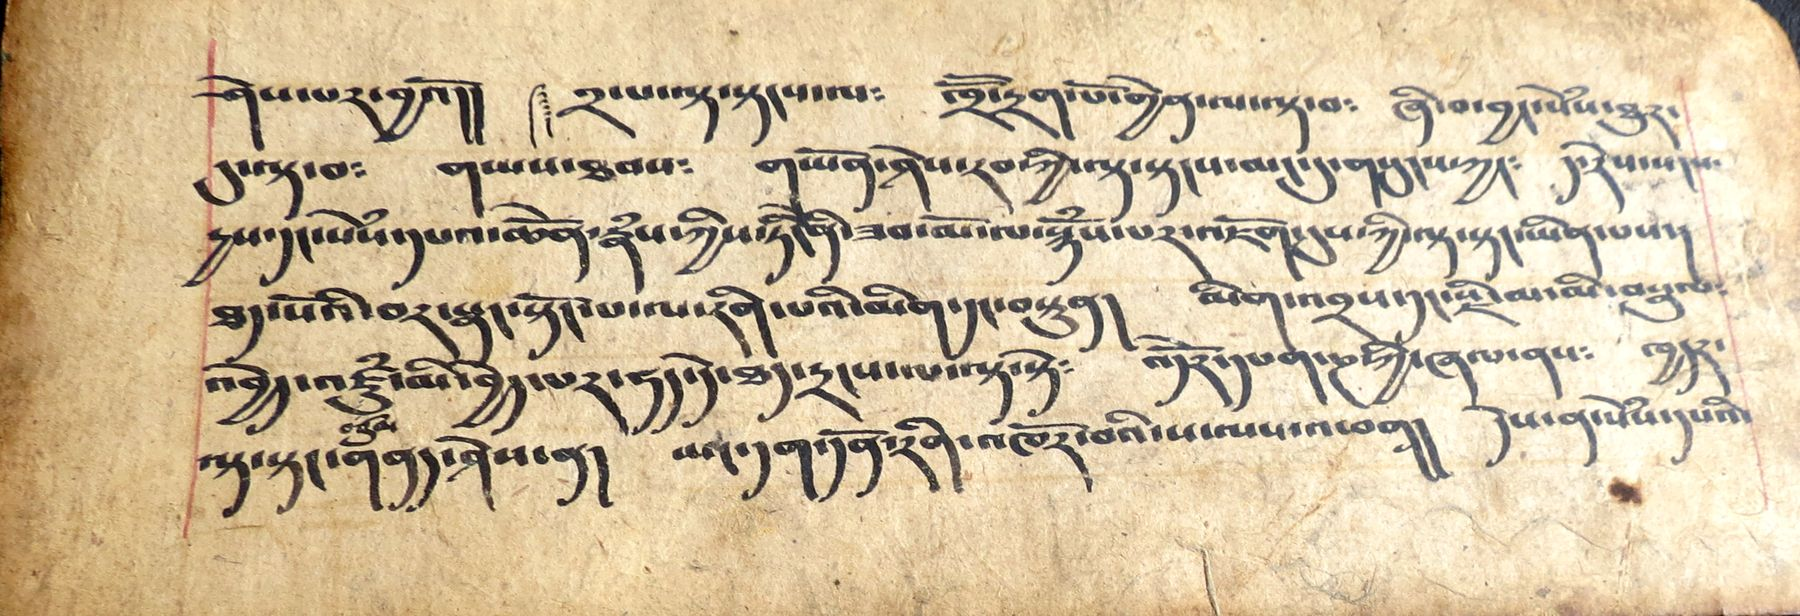ཤེས་པར་བྱའོ། ། གཉིས་པ་ལྟ་སྟངས་ལ། ཁྲོ་བོ་དྲག་པོ་གྱེན་ལ་ལྟ་བ། ཞི་བ་བྱང་སེམས་ཐུར་
ལ་ལྟ་བ། གཡས་ཐབས། གཡོན་ཤེས་རབ་ཀྱི་ལྟ་སྟངས་མང་དུ་གསུངས་ཀྱང་། ད་རེས་སངས་
རྒྱས་དང་སེམས་དཔའ་ཆེན་པོ་རྣམས་ཀྱིས་ཏིང་འཛིན་ཟབ་མོ་ལ་སྙོམས་པར་འཇོག་དུས་ཀྱི་ལྟ་སྟངས་ཡིན་པས། 
ཐད་ཀའི་བར་སྣང་སྟོང་པ་ལ་རིག་པ་མིག་དང་བསྟུན། མིག་འབྲས་དང་རྫི་མ་མི་སྒུལ་
འབྱེད་བཙུམ་མ་བྱེད་པར་ཧད་དེ་ཐད་དྲང་ལ་ལྟ་སྟེ། འོད་ཟེར་དཔག་མེད་ཀྱི་ཞལ་ནས། ཁྱད་པར་
ལྟ་སྟངས་གནད་ཤེས་ན། ཡང་དག་དོན་རིག་འཁོར་བའི་ས་ལས་དཔགས། དེས་ན་སེམས་དཔའི་